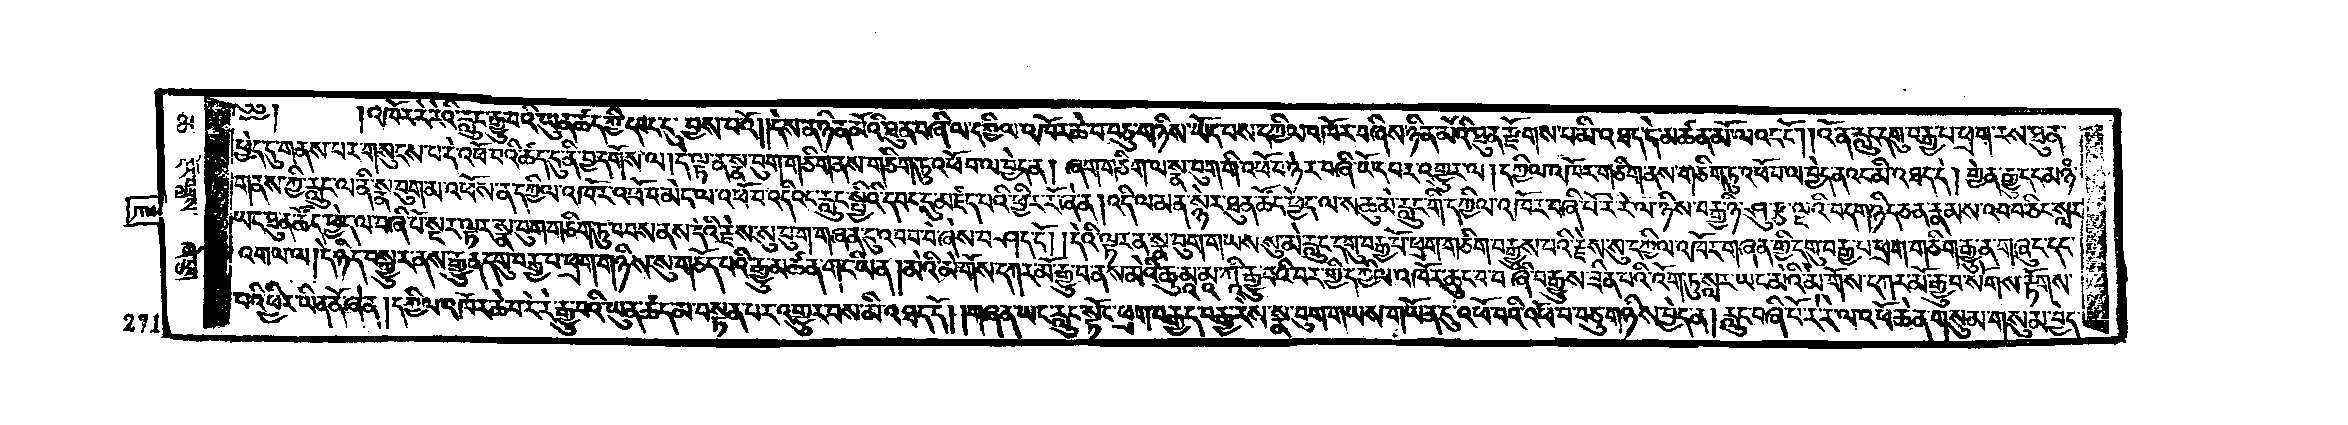༄༅། །འཁོར་རེ་རེའི་རླུང་རྒྱུ་བའི་ཡུན་ཚད་ཀྱི་དབང་དུ་བྱས་པའོ། །དེས་ན་ཉིན་མོའི་ཐུན་བཞི་ལ་དཀྱིལ་འཁོར་ཆེ་བ་བཅུ་གཉིས་ཡོད་པས་དཀྱིལ་འཁོར་བཞིས་ཉིན་མོའི་ཐུན་རྫོགས་པ་མི་འཐད་དེ་མཚན་མོ་ལའང་ངོ། །འོ་ན་རླུང་དགུ་བརྒྱ་པ་ཕྲག་རིས་ཐུན་
ཕྱེད་དུ་གནས་པར་གསུངས་པ་དེ་འཕོ་བའི་ཚད་དུ་ནི་བྱ་དགོས་ལ། དེ་ལྟ་ན་སྣ་བུག་གཅིག་ནས་གཅིག་ཏུ་འཕོ་བ་ལ་བྱེད་ན། ཞག་གཅིག་ལ་སྣ་བུག་གི་འཕོ་བ་ཉེར་བཞི་ཡོད་པར་འགྱུར་ལ། དཀྱིལ་འཁོར་གཅིག་ནས་གཅིག་ཏུ་འཕོ་བ་ལ་བྱེད་ནའང་མི་འཐད་དེ། གྱེན་རྒྱུ་དང་མཉམ་
གནས་ཀྱི་རླུང་ལ་ནི་སྣ་བུག་མ་འཕོས་ན་དཀྱིལ་འཁོར་འཕོ་བ་མེད་ལ་འཕོ་བ་འདིའང་རླུང་སྤྱིའི་དབང་དུ་མཛད་པའི་ཕྱིར་རོ་ཞེ་ན། འདི་ལ་མན་སྙེར་ཐུན་ཚེད་ཕྱེད་ལ་ས་ཆུ་མེ་རླུང་གི་དཀྱིལ་འཁོར་བཞི་པོ་རེ་རེ་ལ་ཉིས་བརྒྱ་ཉི་ཤུ་རྩ་ལྔའི་བདག་ཉིད་ཅན་རྣམས་འབབ་ཅིང་སླར་
ཡང་ཐུན་ཚོད་ཕྱེད་ལ་བཞི་པོ་སྔར་ལྟར་སྣ་བུག་གཅིག་ཏུ་བབས་ནས་དེའི་རྗེས་སུ་བུ་ག་གཞན་དུ་འབབ་བེ་ཞེས་བཤད་དོ། །དེའི་ལྟར་ན་སྣ་བུག་གཡས་སུ་མེ་རླུང་དགུ་བརྒྱ་པོ་ཕྲག་གཅིག་བརྒྱུས་པའི་རྗེས་སུ་དཀྱིལ་འཁོར་གཞན་གྱི་དགུ་བརྒྱ་པ་ཕྲག་གཅིག་རྒྱུ་ན་གཞུང་དང་
འགལ་ལ། དེ་ཉིད་བསྒྱུར་ནས་རྒྱུ་ན་དགུ་བརྒྱ་པ་ཕྲག་གཉིས་སུ་གཅོད་པའི་རྒྱུ་མཚན་གང་ཡིན། མེའི་མེ་གོས་དཀར་མེ་རྒྱུ་བ་ནས་མེའི་ཆུ་མཱ་མཱ་ཀཱི་རྒྱུ་བའི་བར་གྱི་དཀྱིལ་འཁོར་ཆུང་བ་བཞི་བརྒྱུས་ཟིན་པའི་འོག་ཏུ་སླར་ཡང་མེའི་མེ་གོས་དཀར་མོ་རྒྱུ་བ་སོགས་རྟོགས་
པའི་ཕྱིར་ཡིན་ནོ་ཞེ་ན། དཀྱིལ་འཁོར་ཆེ་བ་རེ་རེ་རྒྱུ་བའི་ཡུན་ཚད་མ་བསྟན་པར་འགྱུར་བས་མི་འཐད་དོ། །གཞན་ཡང་རླུང་སྟོང་ཕྲག་བརྒྱད་བརྒྱ་རེས་སྣ་བུག་གཡས་གཡོན་དུ་འཕོ་བའི་འཕོ་བ་བཅུ་གཉིས་བྱེད་ན། རླུང་བཞི་པོ་རེ་རེ་ལ་འཕོ་ཆེན་གསུམ་གསུམ་བྱེད་